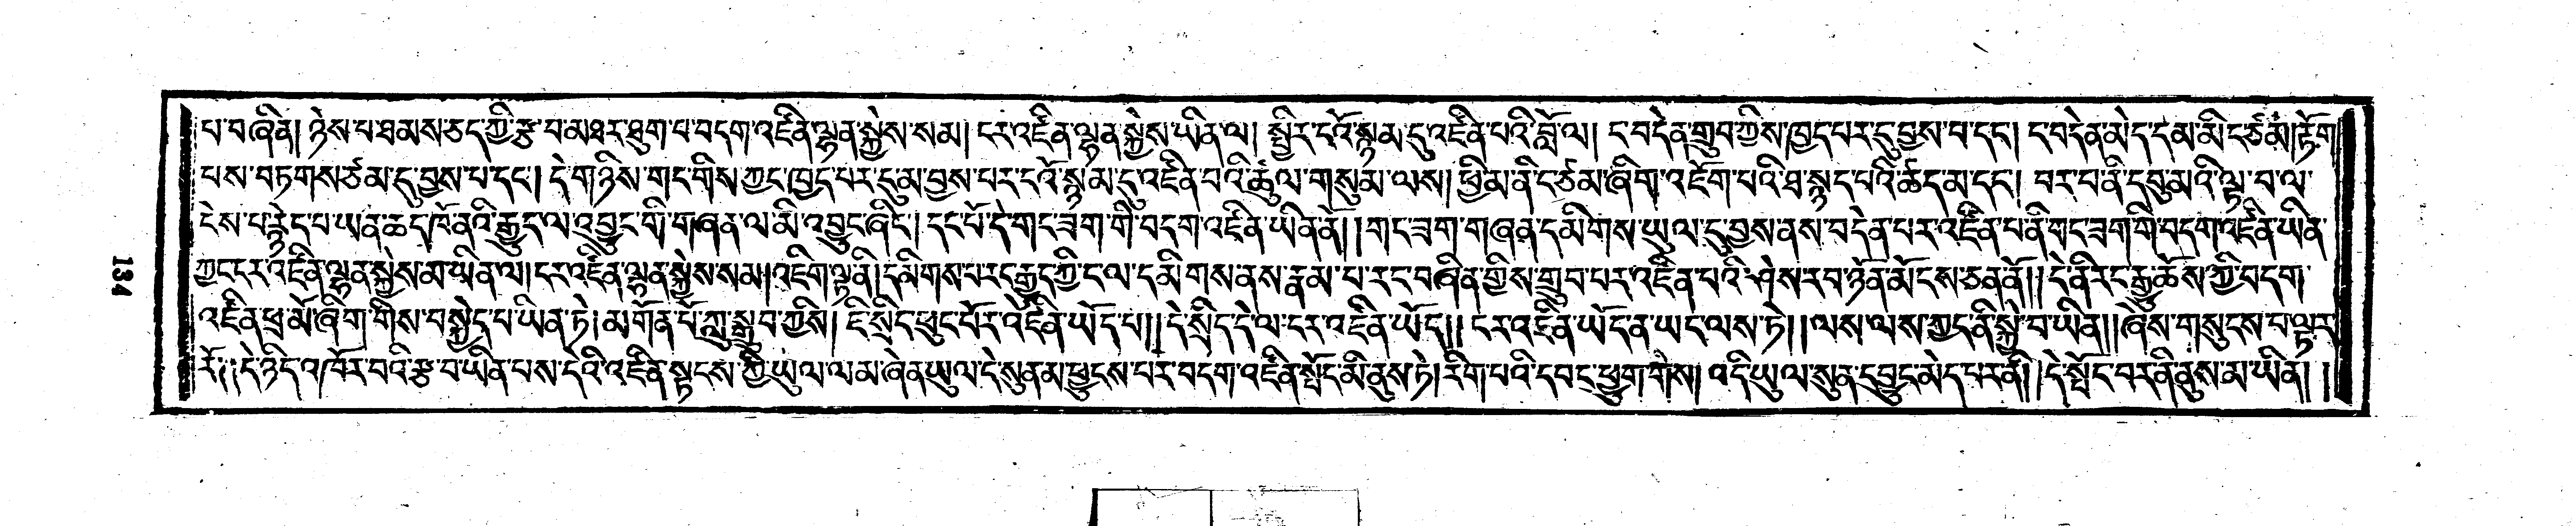པ་བཞིན། ཉེས་པ་ཐམས་ཅད་ཀྱི་རྩ་བ་མཐར་ཐུག་པ་བདག་འཛིན་ལྷན་སྐྱེས་སམ། ངར་འཛིན་ལྷན་སྐྱེས་ཡིན་ལ། སྤྱིར་ངའོ་སྙམ་དུ་འཛིན་པའི་བློ་ལ། ང་བདེན་གྲུབ་ཀྱིས་ཁྱད་པར་དུ་བྱས་པ་དང་། ང་བདེན་མེད་དམ་མིང་ཙམ། རྟོག་
པས་བཏགས་ཙམ་དུ་བྱས་པ་དང་། དེ་གཉིས་གང་གིས་ཀྱང་ཁྱད་པར་དུ་མ་བྱས་པར་ངའོ་སྙམ་དུ་འཛིན་པའི་ཚུལ་གསུམ་ལས། ཕྱི་མ་ནི་ང་ཙམ་ཞིག་འཇོག་པའི་ཐ་སྙད་པའི་ཚད་མ་དང་། བར་པ་ནི་དབུ་མའི་ལྟ་བ་ལ་
ངེས་པ་རྙེད་པ་ཡན་ཆད་ཁོ་ནའི་རྒྱུད་ལ་འབྱུང་གི་གཞན་ལ་མི་འབྱུང་ཞིང་། དང་པོ་དེ་གང་ཟག་གི་བདག་འཛིན་ཡིན་ནོ། །གང་ཟག་གཞན་དམིགས་ཡུལ་དུ་བྱས་ནས་བདེན་པར་འཛིན་པ་ནི་གང་ཟག་གི་བདག་འཛིན་ཡིན་
ཀྱང་ངར་འཛིན་ལྷན་སྐྱེས་མ་ཡིན་ལ། ངར་འཛིན་ལྷན་སྐྱེས་སམ། འཇིག་ལྟ་ནི། དམིགས་པ་རང་རྒྱུད་ཀྱི་ང་ལ་དམིགས་ནས་རྣམ་པ་རང་བཞིན་གྱིས་གྲུབ་པར་འཛིན་པའི་ཤེས་རབ་ཉོན་མོངས་ཅན་ནོ། །དེ་ནི་རང་རྒྱུ་ཆོས་ཀྱི་བདག་
འཛིན་ཕྲ་མོ་ཞིག་གིས་བསྐྱེད་པ་ཡིན་ཏེ། མགོན་པོ་ཀླུ་སྒྲུབ་ཀྱིས། ཇི་སྲིད་ཕུང་པོར་འཛིན་ཡོད་པ། །དེ་སྲིད་དེ་ལ་ངར་འཛིན་ཡོད། །ངར་འཛིན་ཡོད་ན་ཡང་ལས་ཏེ། །ལས་ལས་ཀྱང་ནི་སྐྱེ་བ་ཡིན། །ཞེས་གསུངས་པ་ལྟར་
རོ། །དེ་ཉིད་འཁོར་བའི་རྩ་བ་ཡིན་པས་དེའི་འཛིན་སྟངས་ཀྱི་ཡུལ་ལམ་ཞེན་ཡུལ་དེ་སུན་མ་ཕྱུངས་པར་བདག་འཛིན་སྤོང་མི་ནུས་ཏེ། རིག་པའི་དབང་ཕྱུག་གིས། འདི་ཡུལ་སུན་དབྱུང་མེད་པར་ནི། །དེ་སྤོང་བར་ནི་ནུས་མ་ཡིན།།